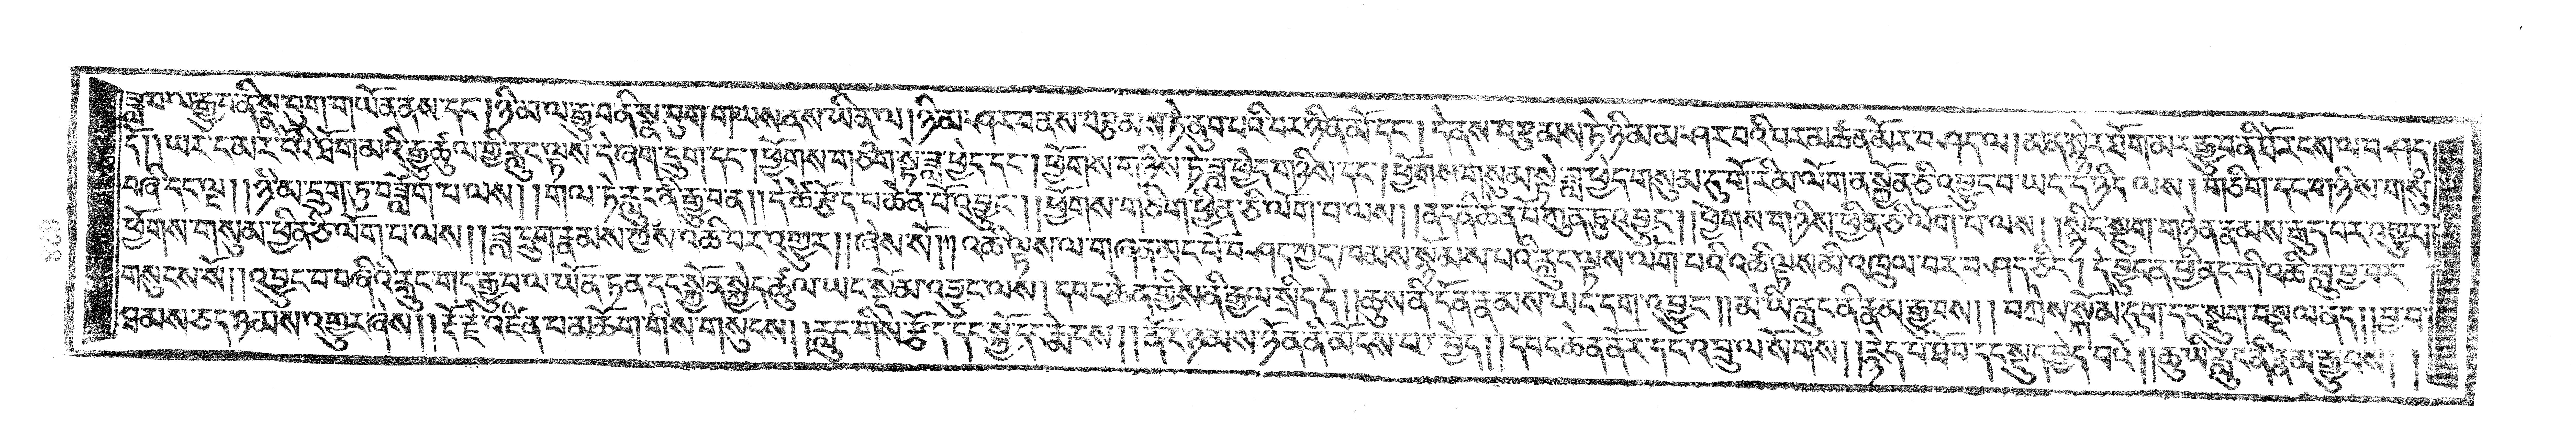ཟླ་བ་ལ་རྒྱུ་བ་ནི་སྣ་བུག་གཡོན་ནས་དང་། ཉི་མ་ལ་རྒྱུ་བ་ནི་སྣ་བུག་གཡས་ནས་ཡིན་ལ་ཉི་མ་ཤར་བ་ནས་བརྩམས་ཏེ་ནུབ་པའི་བར་ཉིན་མོ་དང་། དེ་ནས་བརྩམས་ཏེ་ཉི་མ་མ་ཤར་བའི་བར་མཚན་མོར་བཤད་ལ། མན་སྙེར་ཐོག་མར་རྒྱུ་བ་ནི་ཐོ་རངས་ལ་བཤད་
དོ། །ཡར་ང་མར་ངོའི་ཐོག་མའི་རྒྱུ་ཚུལ་གྱི་རླུང་ལྟས་དེ་ཞག་དྲུག་དཡང་སྲོག་གི་རླུང་ཤར་ནས། ལས་ཀྱི་རླུང་ནི་སྣ་ཚོགས་པ། །དེ་
ནི་ལྷན་ཅིག་རྣམ་ཤེས་དང་། །སླར་ཡང་འཇིག་རྟེན་གསུམ་དུ་གནས། །དེ་ལས་ལས་དང་དེ་བཞིན་སྐྱེ། །དེ་ལས་ཆགས་སོགས་བག་ཆགས་དང་། །དེ་ལས་སླར་ཡང་འཆི་དང་སྐྱེ། །དེ་ལྟར་འཁོར་ལོ་བསྐོར་བ་འདྲ། །ཞེས་གསུངས་སོ། །དེ་ལྟར་གསུངས་
པས་ཀྱི་འཁོར་བའི་རྩ་བ་བདག་འཛིན་དུ་གསུངས་པ་ལྟར་མི་བྱེད་པར་རླུང་འཁོར་བའི་རྩ་བར་སྟོན་པ་མིན་ཏེ། སྤྱོད་བསྡུས་ལས་དེ་ལྟར་ཡང་གསུངས་ལ། བདག་དང་བདག་གིར་བཟུང་བ་ལ་བརྟེན་ནས་ལས་དགེ་མི་དགེངོ། །
བདུན་པ་ནི། དེ་ལྟར་རླུང་རྣམས་ཀྱི་ངོ་བོ་དང་བྱེད་ལས་བཤད་པ་ལ་བརྟེན་ནས། ལུས་ལ་གནད་དུ་བསྣུན་པའི་གནད་ཇི་ལྟར་རྟོགས་པ་ཡིན་ཞེ་ན། དེ་ལ་རྡོ་རྗེ་འཕྲེང་བ་ལས། རྣམ་པར་ཤེས་པའི་ཤིང་རྟའི་རླུང་རྣམ་ཤེས་ཀྱི་བག་ཆགས་དང་འདྲེས་ནས་
ཡུལ་ལ་ཞུགས་པ་ལས་རང་བཞིན་རྣམས་སྐྱེད་པ་དང་། བག་ཆགས་ཀྱིས་བསླད་པའི་དབང་གིས་འཁོར་བར་འཁྱམ་པ་ཡིན་གྱི། དེ་མ་གཏོགས་པའི་འཁོར་བ་མེད་ཅེས་གསུངས་པའི་རྗེས་སུ། དེ་ཕྱིར་འཁོར་བ་སྤོང་དོན་དུ། །ཐིག་ལ་དབྱེ་བའི་གོ་